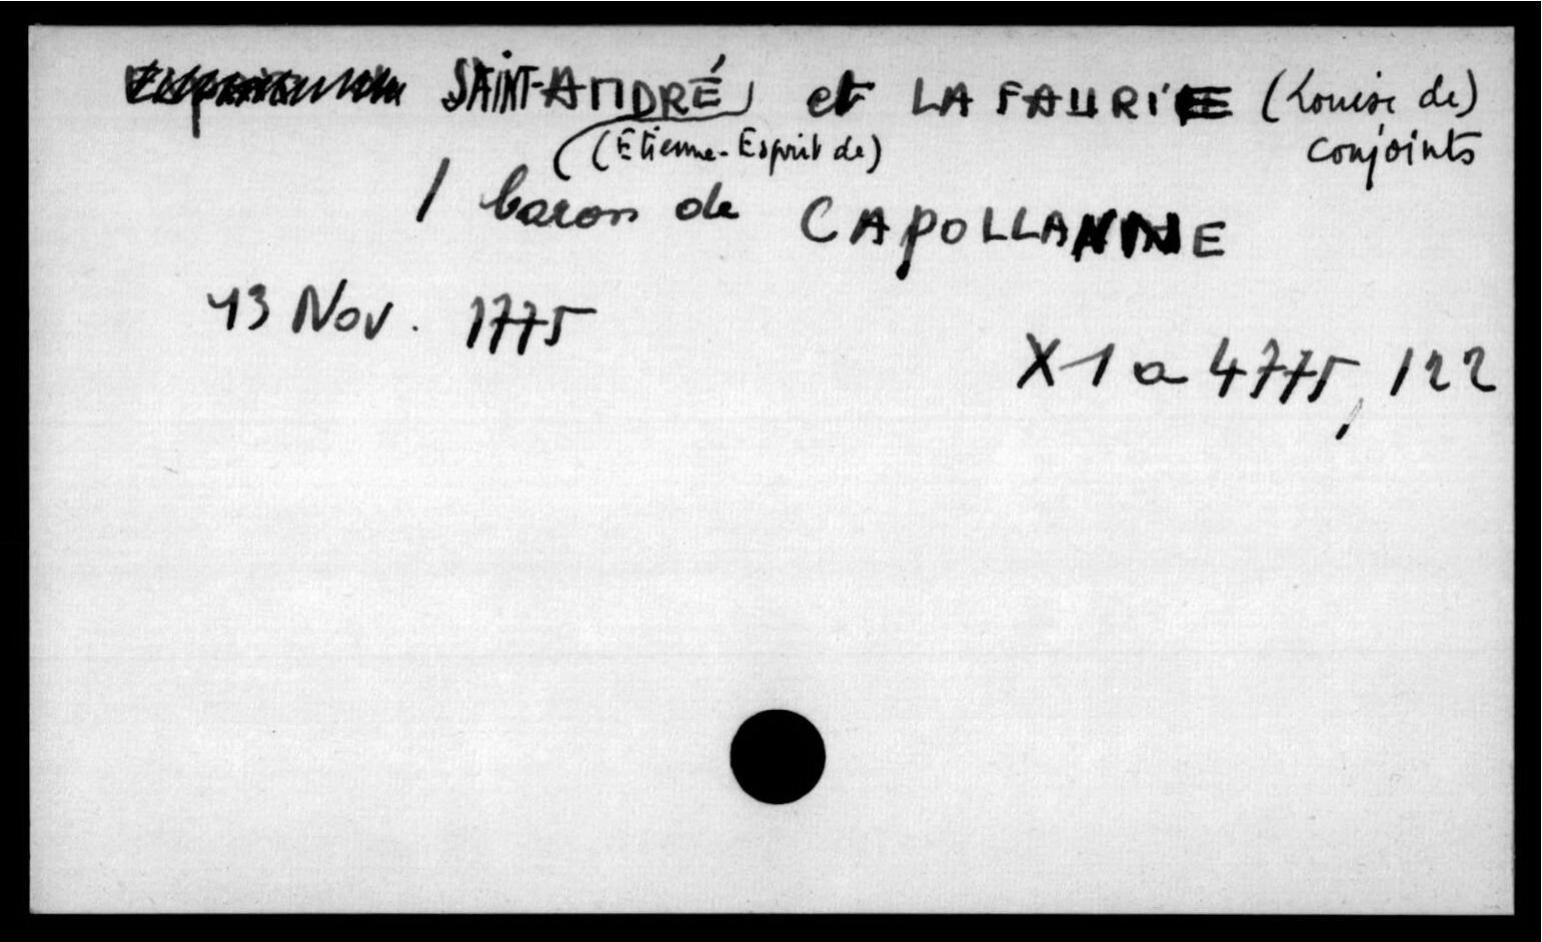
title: SAINTANDRÉ (Etienne-Esprit de) et LA FAURIEE (Louis de) Conjoints
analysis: Contre baron de CAPOLLANNE
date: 13 novembre 1775
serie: X1a
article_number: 4775
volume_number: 122
